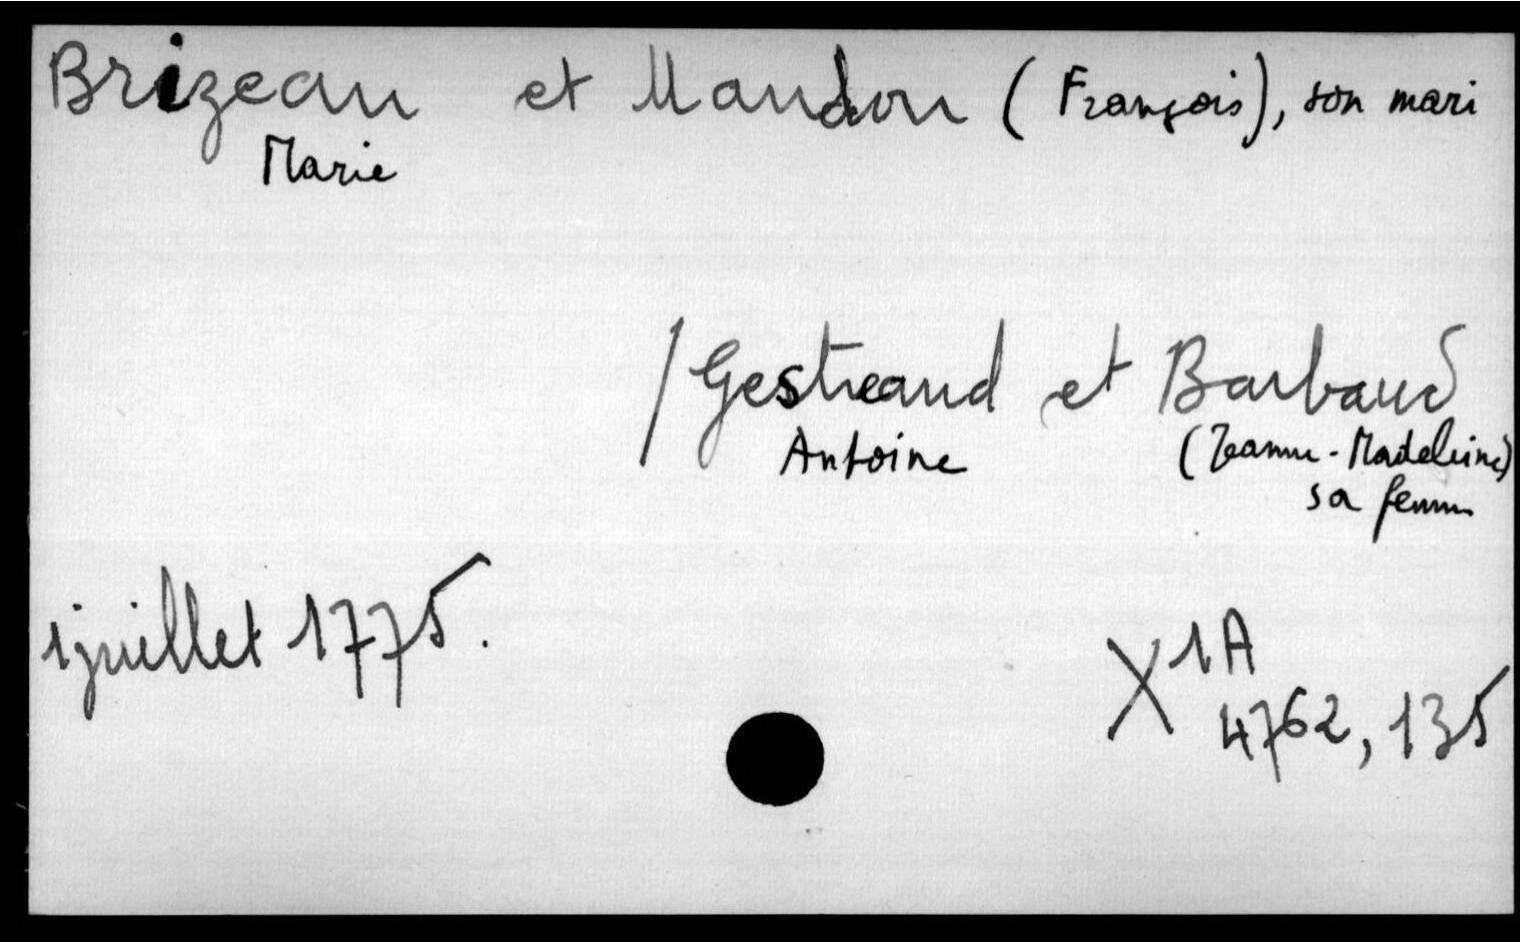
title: Brizeau (Marie) et Mandon (François), son mari
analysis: Contre Gestreaud Antoine et Barbaud Jeanne-Madeleine sa femme
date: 1 juillet 1775
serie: X1A
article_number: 4762
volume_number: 135
